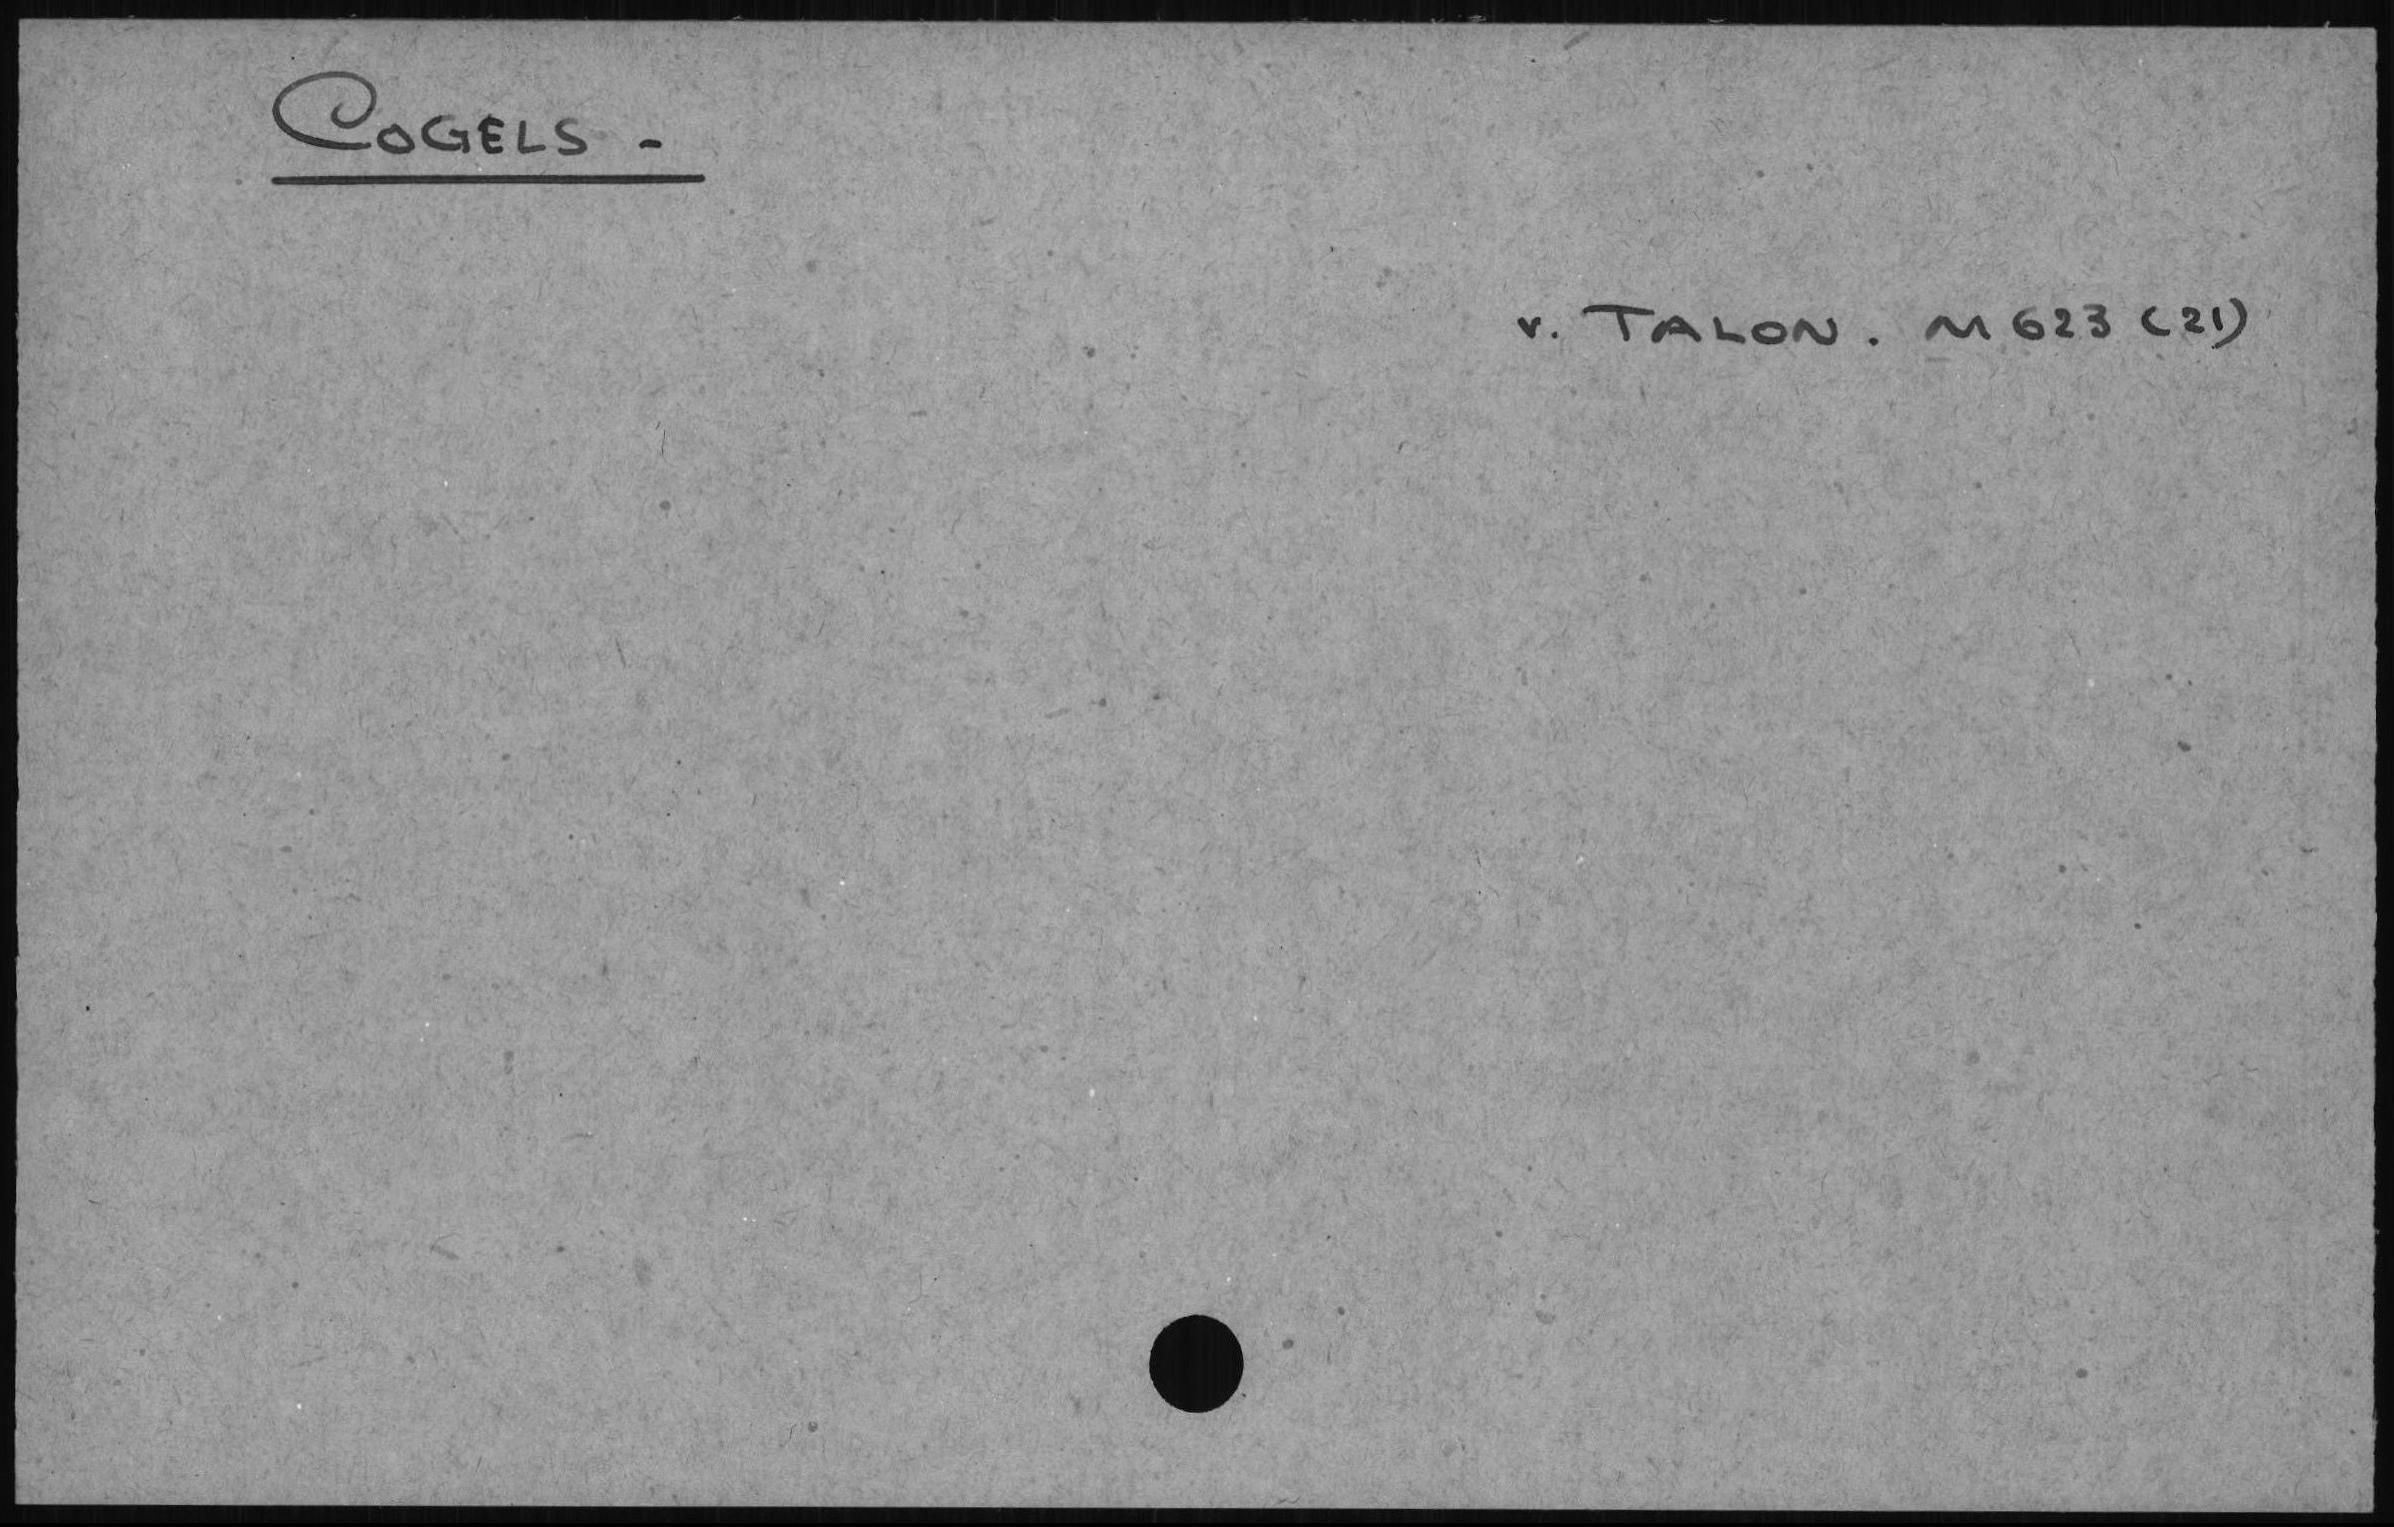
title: COGELS.
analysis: voir TALON.
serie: M
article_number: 623
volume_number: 21
